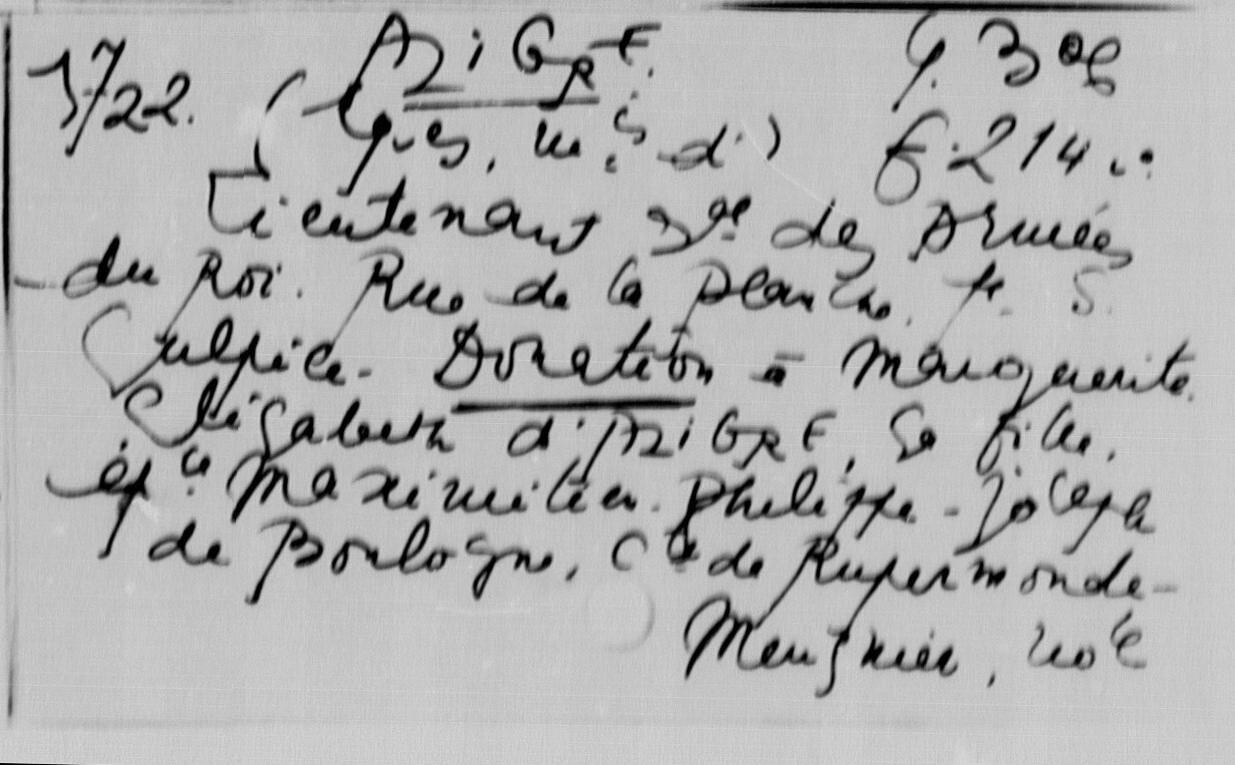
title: AIGRE (Yves, marquis d')
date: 1722
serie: Y
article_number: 306
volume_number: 214v
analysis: Lieutenant général des Armées du roi, rue de la Planche, paroisse Saint-Sulpice. Donation à Marguerite Elizabeth d'AIGRE, sa fille, épouse Maximilien Philippe Joseph de Boulogne, comte de Rupermonde. Meusnier, notaire.
